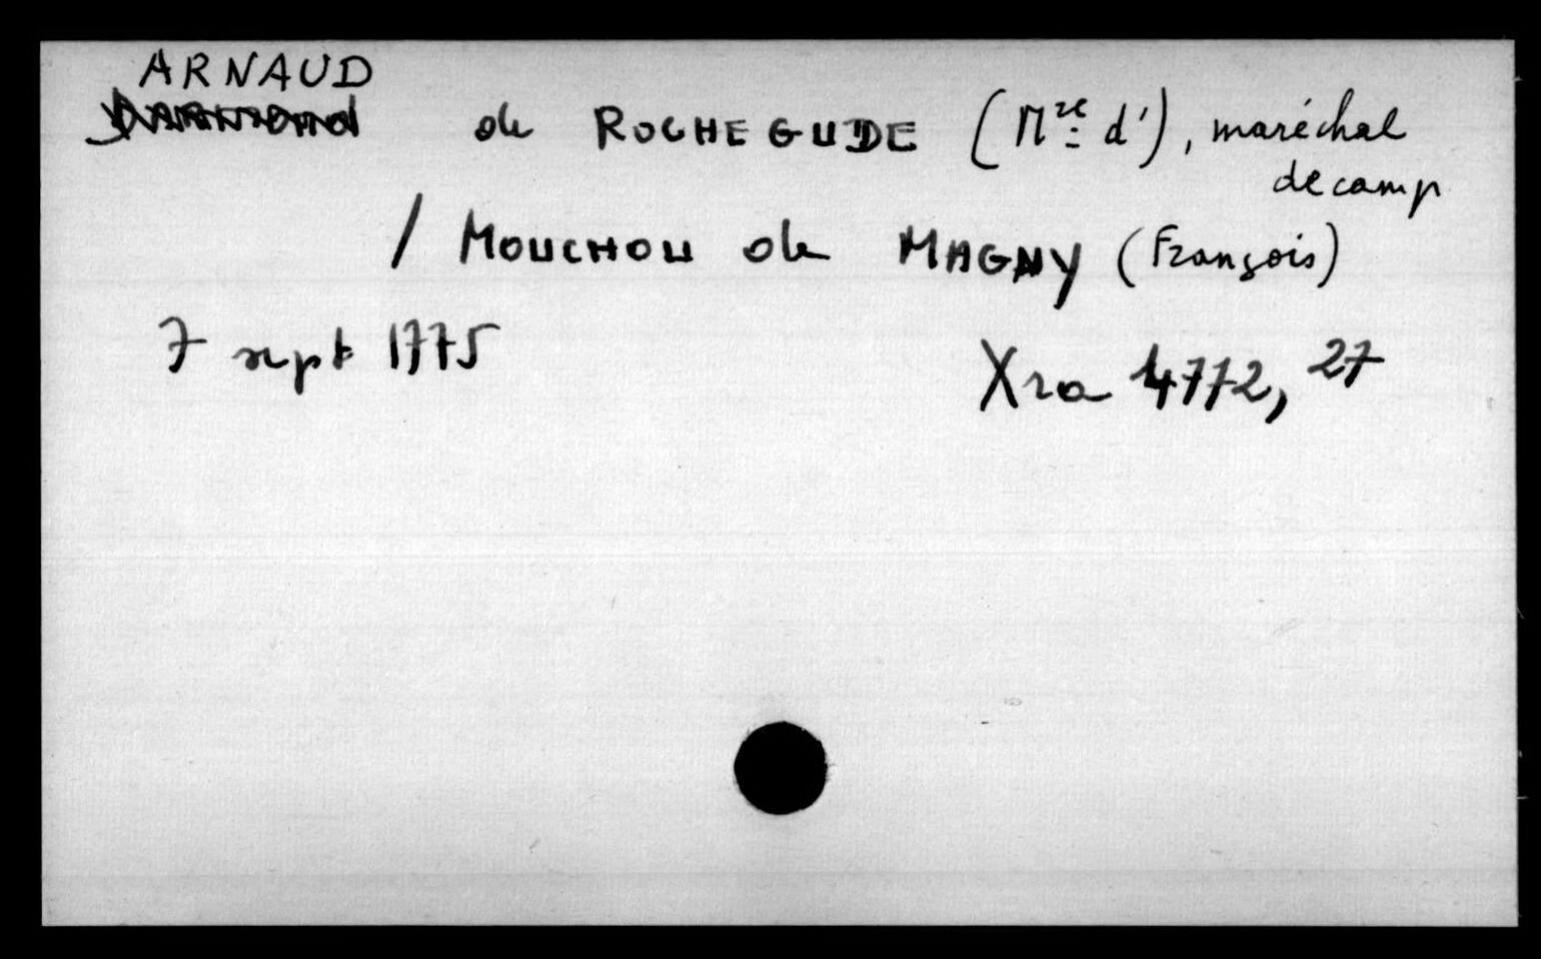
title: ARNAUD de ROCHEGUDE (Marquis d'), maréchal de camp
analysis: Contre Mouchou de MAGNY (François)
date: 7 septembre 1775
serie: X1a
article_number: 4772
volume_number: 27
